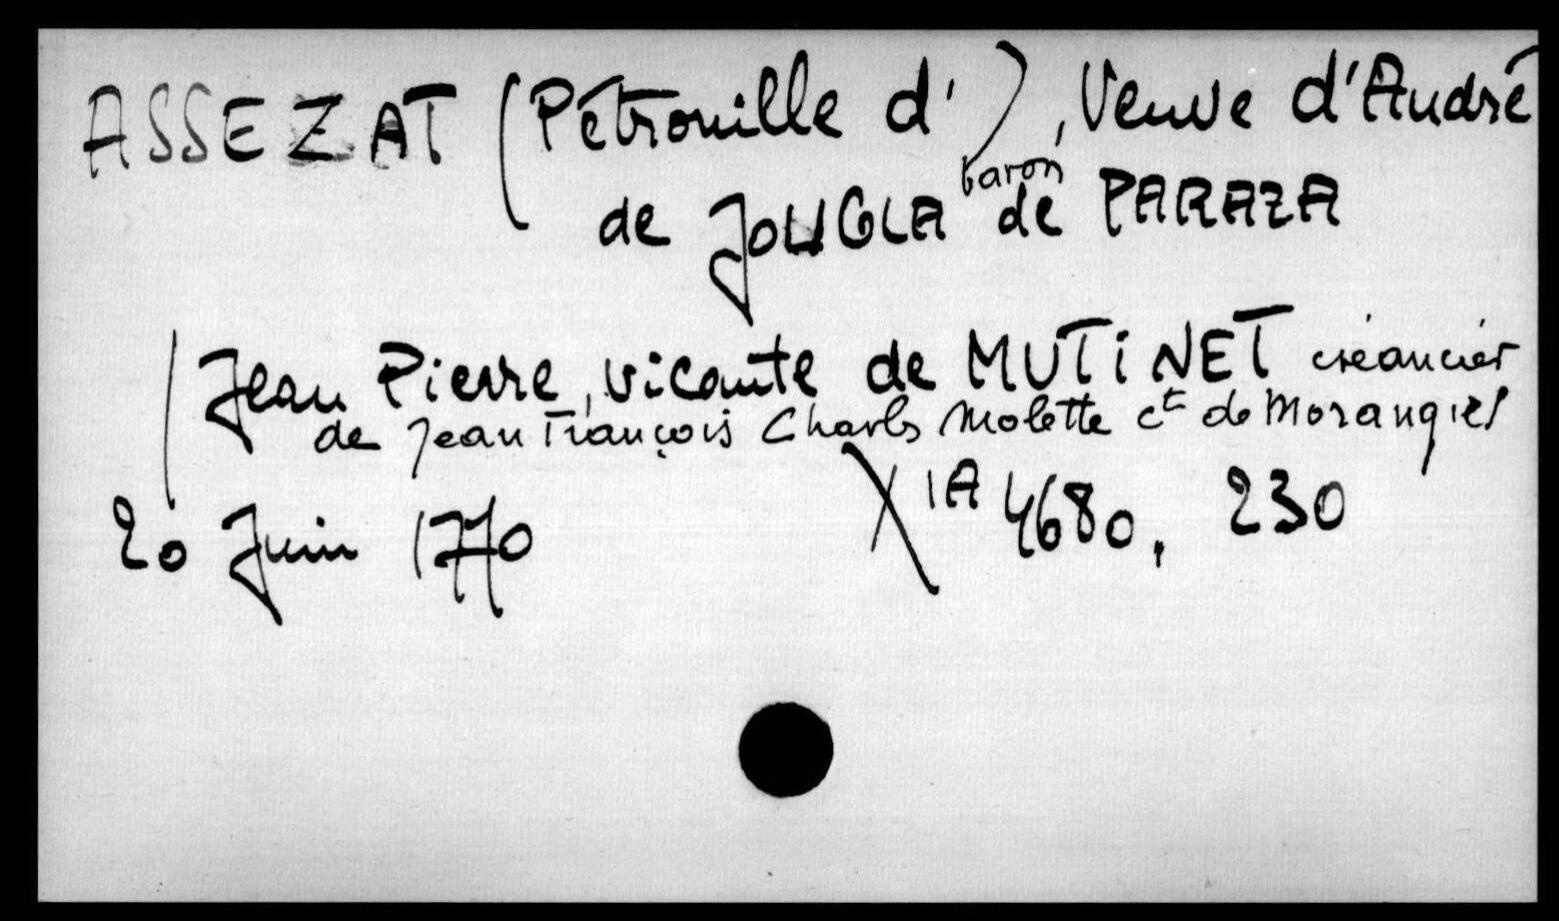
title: ASSEZAT (Pétronille d'), veuve d'André de JOUGLA baron de PARAZA
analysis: Contre Jean Pierre, vicomte de MUTINET créançier de Jean François Charles Molette comte de Morangies
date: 20 juin 1770
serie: X1A
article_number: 4680
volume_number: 230
